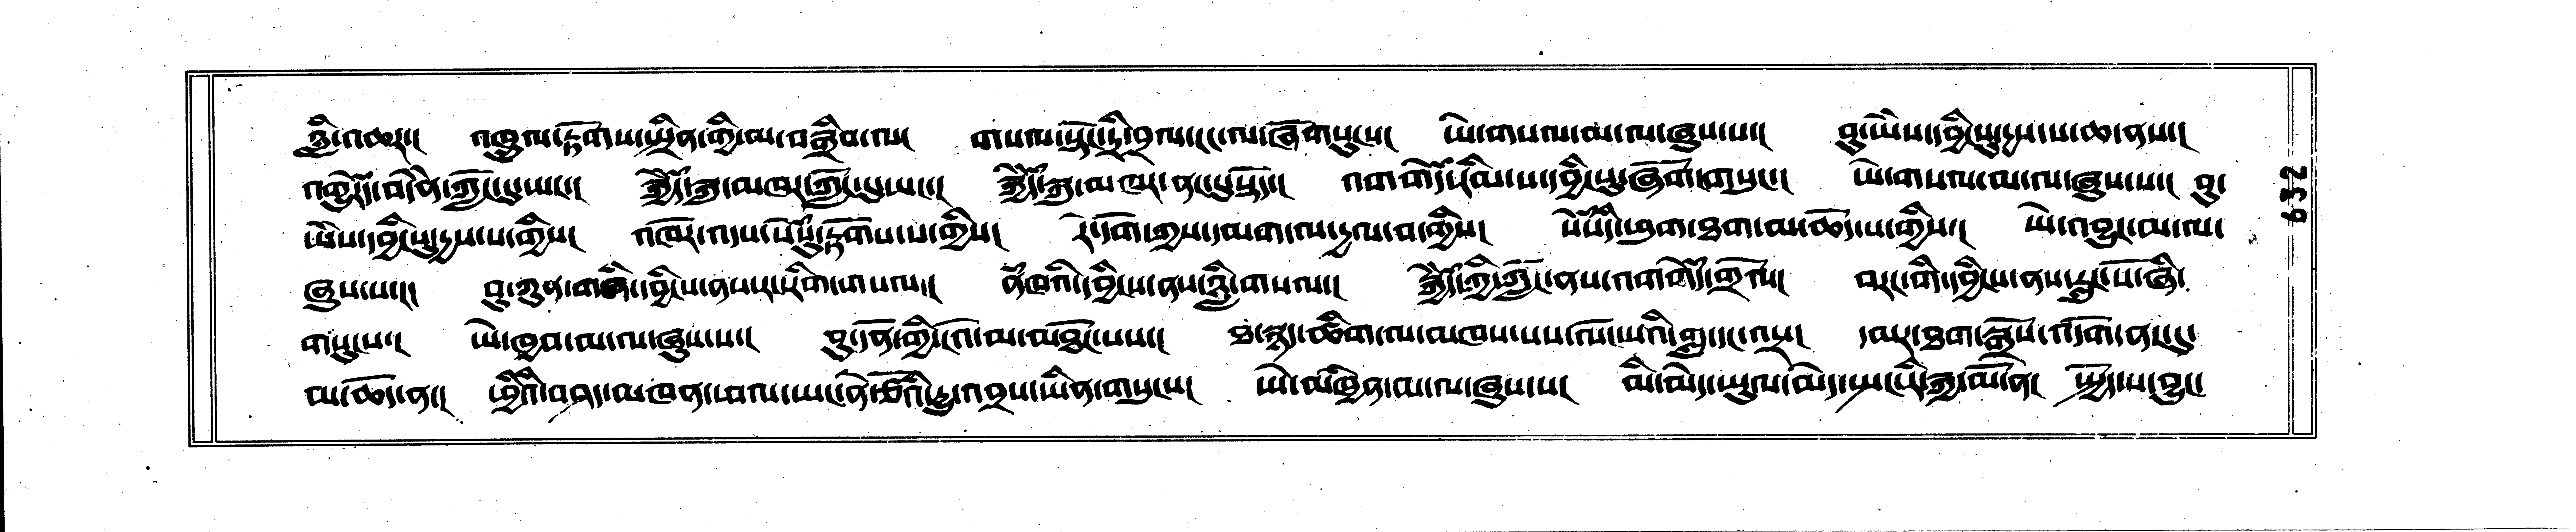ཉི་ཟླ་འཆར། འཁྲུལ་རྟོག་སྤྲིན་གྱིས་མ་སྒྲིབ་ལ། གསལ་སྟོང་དྲི་བྲལ་ངང་ལ་ཞོག་གསུངས། མདངས་ལྡན་མ་ལ་ཞུས་པ། བུ་མི་ལྡན་འགྱུར་བའི་ས་ཆ་ན། 
འགྱུར་མེད་བདེ་བའི་ཀློང་དུ་སོང་། སྐྱེ་མེད་སྐུ་མཁར་ནང་དུ་སྡོད། གྷག་(འགག)་མེད་རིག་པ་དབྱིངས་སུ་ཞོག་གསུངས། ཡེ་གསལ་མ་ལ་ཞུས་པ། བུ་
ཡེ་ཤེས་དབྱིངས་སུ་རྒྱས་པར་གྱིས། འཁོར་འདས་སེམས་སུ་རྟོགས་པར་གྱིས། རེ་དོག་གི་དམགས་ལ་རྒྱལ་བར་གྱིས། སེམས་ཉིད་ཀྱི་ཕུ་ཐག་ཆོད་པ་གྱིས་གསུངས། ཡེ་འབྱུང་མ་ལ་
ཞུས་པ། བུ་ཀུན་གཞིའི་དབྱིངས་ན་རང་རིག་གསལ། ནམ་མཁའི་དབྱིངས་ན་ཉི་ཟླ་གསལ། སྐྱེ་མེད་ཀྱི་དབྱིངས་ན་གྷག་(འགག)མེད་གྲོལ། བར་སྣང་གི་དབྱིངས་ན་རླུང་པོ་ཞི་
གསུངས། ཡེ་ཁྱབ་མ་ལ་ཞུས་པ། ཕ་དོན་གྱི་ངོའོ་མ་མཐོང་པས། ཐ་སྙད་ཚིག་ལ་མཁས་པས་ལོང་པའི་གླུ་དང་འདྲ། དམར་ཐག་སྒྲོས་འདོག་ནང་དུ་
མ་ཆོད་ན། ཕྱིའི་བཤད་མཁན་ཕས་ཡང་ནེ་ཙོའི་རྒྱུ་འབྲས་ཡིན་གསུངས། ཡེ་མཁྱེན་མ་ལ་ཞུས་པ། མི་མེད་ཡུལ་མེད་སྤང་རི་སྐྱ་མོ་ན། སྤྱོད་པ་བྱུང་རྒྱལ་